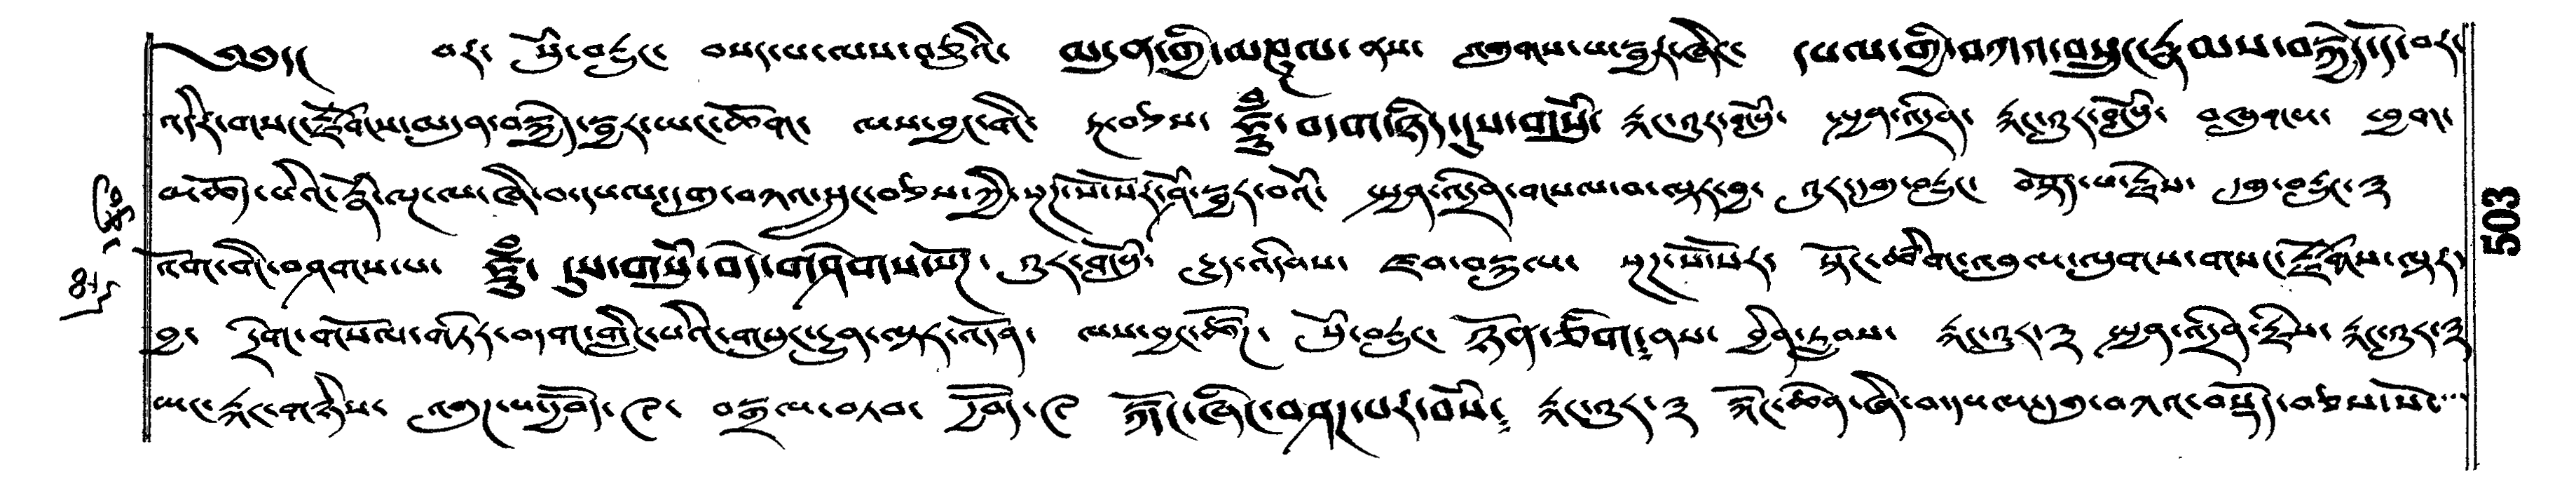བར། ( སུམ་བརྡུང་། ) བསད་པ་ལས་བཅུའི། མདུན་གྱི་མཎྜལ༴ནས། འགུགས་པ་སྦྱར་ཞིང་། དཔལ་གྱི་བཀའ་བསྲུང་རྣམས་བསྐྱེད་དོ། བར། 
འདིར་གསང་རྫོགས་མདུན་བསྐྱེད་སྦྱར་ཀྱང་ཆོག ལས་བྱང་གི ( རྔ་བཅས། ) ཧཱུྃ༔བདག་ཉིད་དུས་གསུམ༴ ( རྐང་འུར་གསུམ། ) སྤྱན་འདྲེན། ( རྐང་འུར་གསུམ། ) བཞུགས་གསོལ། ཕྱག་འཚལ། 
མཆོད་པ་རྣམ་ལྔ་ལ། ཞི་བ། དཔལ་དགུ། བཀའ་སྲུང་བཅས་ཀྱི་སྔགས་སོ་སོར་གཤམ་སྦྱར་བའམ། སྤྱན་འདྲེན་གསལ་བ་ལྟར་བྱ། ( འུར་དགུ་བརྡུང་། ) བསྟོད་པའི་རྗེས། ( དགུ་བརྡུང་། གསུམ། ) 
འོག་གི་བཤགས་པ། ཧཱུྃ༔ དུས་གསུམ་བདེ་གཤེགས༴ སོགས། ( འུར་གསུམ། ) རྒྱུད་འདེབས། འཛབ་བསྐུལ། སྔགས་སོ་སོར། སྟོང་ཚིག་འབུལ་ལུགས་གསང་རྫོགས་ལྟར་
བྱ། དྲེགས་གསོལ་གཏེར་བདག་གླིང་པའི་གསུང་རྒྱུན་ལྟར་འདོན། ལས་བྱང་ཚོགས། ( སུམ་བརྡུང་། ) ཉོན་ཅིག༴ ནས། བྱིན་རླབས། ( རྐང་འུར་གསུམ། ) སྤྱན་འདྲེན་རྗེས། (རྐང་འུར་གསུམ་
ཡང་རྐང་གཉིས། འགུགས་པ། ( རྒྱོབ་སོད་དག ) ུ བསྒྲལ་བཏབ། ( རྒྱོབ་སོད་དགུ ) བསྐང་ཞིང་བཤགས་པར་བསམ༴ ( རྐང་འུར་གསུམ། ) སྐོང་ཆེན། ཞི་བ། དཔལ་དགུ་བཀའ་བསྡོད་བཅས་སོ་